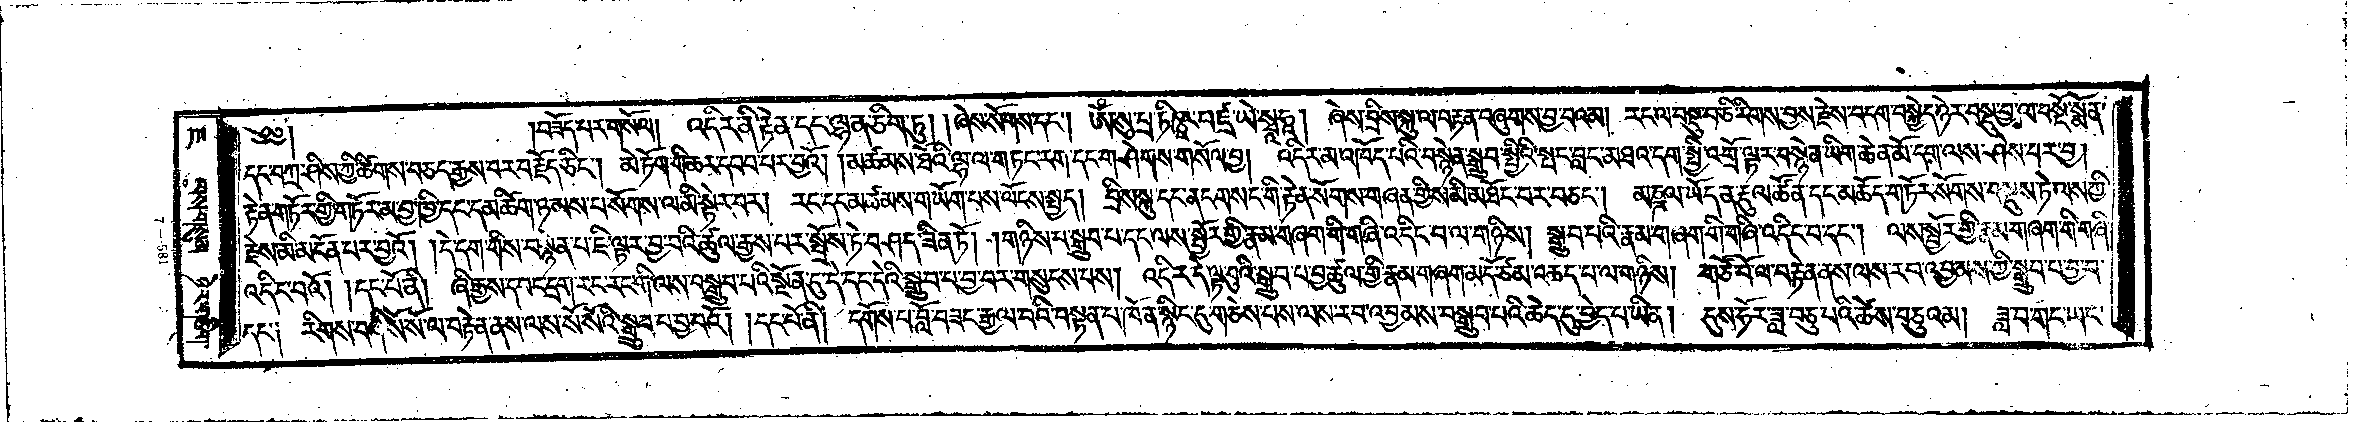༄༅། །བཟོད་པར་གསོལ། འདིར་ནི་རྟེན་དང་ལྷན་ཅིག་ཏུ། །ཞེས་སོགས་དང་།  ཨོཾ་སུ་པྲ་ཏིཥཊཿཨ་བཛྲ་ཡེ་སྭཱཧཱ། ཞེས་བྲིས་སྐུ་ལ་བརྟན་བཞུགས་བྱ་བའམ། རང་ལ་བསྡུ་བ་ཅི་རིགས་བྱས་རྗེས་བདག་བསྐྱེད་ཉེར་བསྡུ་བྱས་ལ་བསྔོ་སྨོན་
དང་བཀྲ་ཤིས་ཀྱི་ཚིགས་བཅད་རྒྱས་པར་བརྗོད་ཅིང་། མེ་ཏོག་གི་ཆར་དབབ་པར་བྱའོ། །མཚམས་ཐོའི་ལྷ་ལ་གཏང་རག་དཔག་ཤོགས་གསོལ་བྱ། འདིར་མ་འཁོད་པའི་བསྙེན་སྒྲུབ་སྤྱིའི་སྤང་བླང་མཐའ་དག་སྤྱི་འགྲོ་ལྟར་བསྙེན་ཡིག་ཆེན་མོ་དག་ལས་ཤེས་པར་བྱ།
རྟེན་གཏོར་གྱི་གཏོར་མ་བྱ་ཁྱི་དང་དམ་ཚིག་ཉམས་པ་སོགས་ལ་མི་སྟེར་བར། རང་དང་མཚམས་གཡོག་པས་ལོངས་སྤྱད། བྲིས་སྐུ་དང་ནང་གསང་གི་རྟེན་སོགས་གཞན་གྱིས་མི་མཐོང་བར་བཅད། མཎྜལ་ཡོད་ན་རྡུལ་ཚོན་དང་མཆོད་གཏོར་སོགས་བསྡུས་ཏེ་ལས་ཀྱི་
རྗེས་མི་མངོན་པར་བྱའོ། །དེ་དག་གིས་བསྙེན་པ་ཇི་ལྟར་བྱ་བའི་ཚུལ་རྒྱས་པར་སྤྲོས་ཏེ་བཤད་ཟིན་ཏོ། །གཉིས་པ་སྒྲུབ་པ་དང་ལས་སྦྱོར་གྱི་རྣམ་བཞག་གི་གཞི་འདིང་བ་ལ་གཉིས། སྒྲུབ་པའི་རྣམ་གཞག་གི་གཞི་འདིང་བ་དང་། ལས་སྦྱོར་ག་ཡི་རྣམ་གཞག་གི་གཞི་
འདིང་བའོ། །དང་པོ་ནི། ཞི་རྒྱས་དབང་དྲག་རང་རང་གི་ལས་བསྒྲུབ་པའི་སྔོན་དུ་དེ་དང་དེའི་སྒྲུབ་པ་བྱ་བར་གསུངས་པས། འདིར་དེ་ལྟ་བུའི་སྒྲུབ་པ་བྱ་ཚུལ་གྱི་རྣམ་གཞག་མདོ་ཙམ་འཆད་པ་ལ་གཉིས། གཙོ་བོ་ལ་བརྟེན་ནས་ལས་རབ་འབྱམས་ཀྱི་སྒྲུབ་པ་བྱ་བ་
དང༑ རིགས་བཞི་སོ་སོ་ལ་བརྟེན་ནས་ལས་སོ་སོའི་སྒྲུབ་པ་བྱའོ། །དང་པོ་ནི། དགོས་པ་བློ་བཟང་རྒྱལ་བའི་བསྟན་པ་ཁོ་ན་སྙིང་དུ་གཅེས་པས་ལས་རབ་འབྱམས་བསྒྲུབ་པའི་ཆེད་དུ་བྱེད་པ་ཡིན། དུས་ཧོར་ཟླ་བཅུ་པའི་ཚེས་བཅུའམ། ཟླ་བ་གང་ཡང་